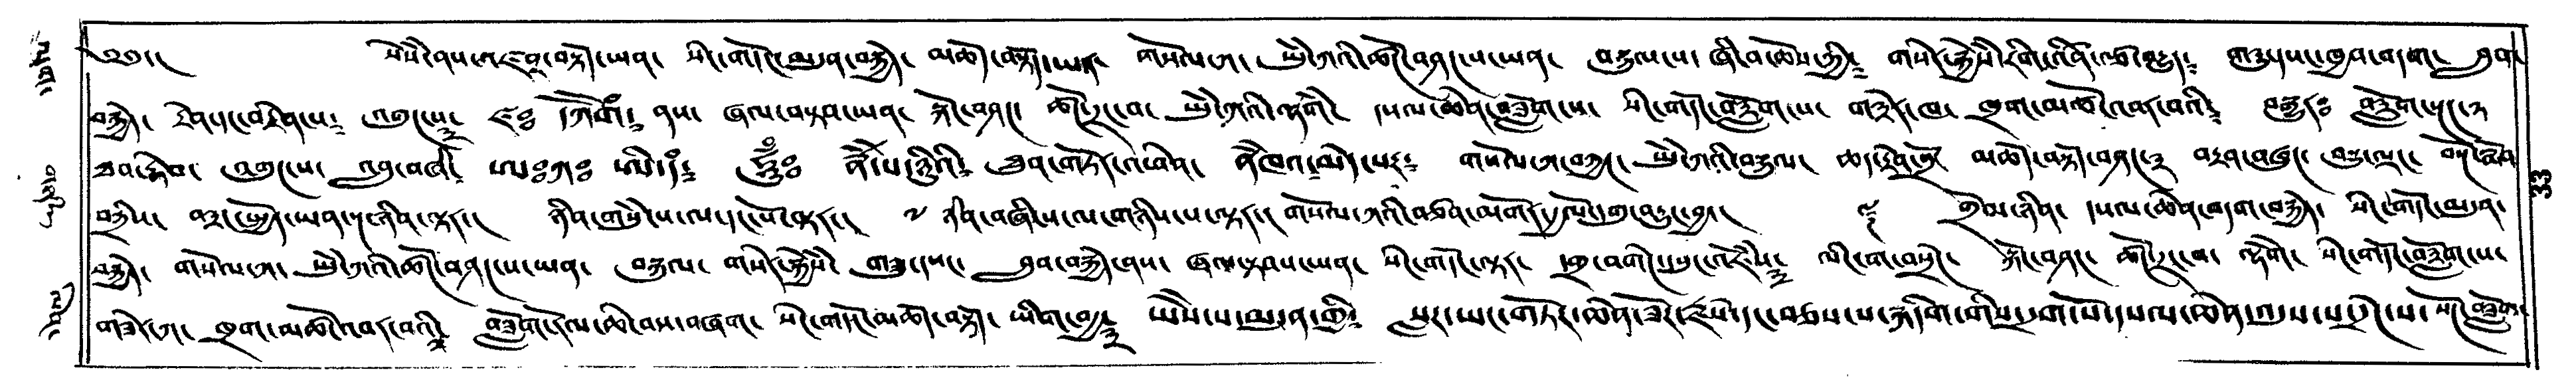སེམས་ནས་འཛབ་བསྟོད་ཡན། སེང་གདོང་མདུན་བསྐྱེད་མཆོད་བསྟོད་ཡན། གསོལ་ཀ། ཡུམ་ཀའི་ཚོགས་བཤགས་པ་ཡན། བསྐུལ་པ། ཞི་བ་ཆོས་ཀྱི༴ གསེར་སྐྱེམས་རིག་འཛིན་རྩ་བརྒྱུད༴ གཟུ་དཔང་། ཁྱབ་བདག བྲུབ་
བསྐྱེད། རྟེན་དང་བརྟེན་པ༴ འགུགས་ས་གསུམ། ཛཿ དཀོན་མཆོག༴ ནས། ཞལ་བསྟབ་ཡན། སྐོང་བཤགས། ཚོགས་དྲང་བ། ཡུམ་ཀའི་ལྷག་མ། དཔལ་ཆེན་བཟློག་པ། སེང་གདོང་བཟློག་པ། གཟེར་ཁ། ཁྲག་མཚོ་འབར་བའི༴ བསྒྱུརཿ བཟློག་སྔགས་གཉིས། 
ཐལ་རྡེབ། འགུགས་པ། འབྲུ་བཞི། ཨཿཀཿ ཨི་དཾ༴ ཧཱུྃཿ རྣམ་པ་ཉི་ཤུའི༴ ཐུན་གཏོར་འཕེན། ནམ་མཁའ་མེད་པར༴ གསོལ་ཀ་བཀྱགས། ཡུམ་ཀའི་བསྐུལ། ཆད་རྟེན་རྟ་བྲོ། མཆོད་བསྟོད་བཤགས་གསུམ། བརྟན་བཞུགས།བསྡུ་སྡང་། བསྔོ་སྨོན་
བཀྲ་ཤིས་ བཟང་སྤྱོད་ཡན་སྔ་ཉིན་ལྟར། ཉིན་གསུམ་པ་ལ་དང་པོ་ལྟར། ཉིན་བཞི་པ་ལ་གཉིས་པ་ལྟར། གསོལ་ཀའི་བཙན་འགོར་རྒྱལ་པོ་དགུ་བརྡུང་བྱ། ༈ གྲོལ་ཉིན། དཔལ་ཆེན་བདག་བསྐྱེད། སེང་གདོང་མདུན་
བསྐྱེད། གསོལ་ཀ། ཡུམ་ཀའི་ཚོགས་བཤགས་པ་ཡན། བསྐུལ། གསེར་སྐྱེམས། གཟུ་དཔང། བྲུབ་བསྐྱེད་ནས་ཞལ་སྟབ་ཡན། སེང་གདོང་ལྟར། དགྲ་བགེགས་དཔུང་འཇོམས་གསུམ། ལིང་ག་བསྲེགས། སྐོང་བཤགས། ཚོགས་དྲང་བ། ལྷག་མ། སེང་གདོང་བཟློག་པ་
གཟེར་ཀ ཁྲག་མཚོ་འབར་བའི་གཅིག བཟློག་རོལ་ཆེ་བས་བཞག སེང་གདོང་མཆོད་བསྟོད། ཡིག་བརྒྱ་གསུམ། ཡེ་ཤེས་པ་མདུན་གྱི༴ སླར་ཡང་གཏོར་ཆེན་ཟོར་རྫས་དང་བཅས་པ་སྐད་ཅིག་གིས་དྲག་པོ་དཔལ་ཆེན་འདུས་པ་དྲེགས་པ་སོགས་བཟློག་